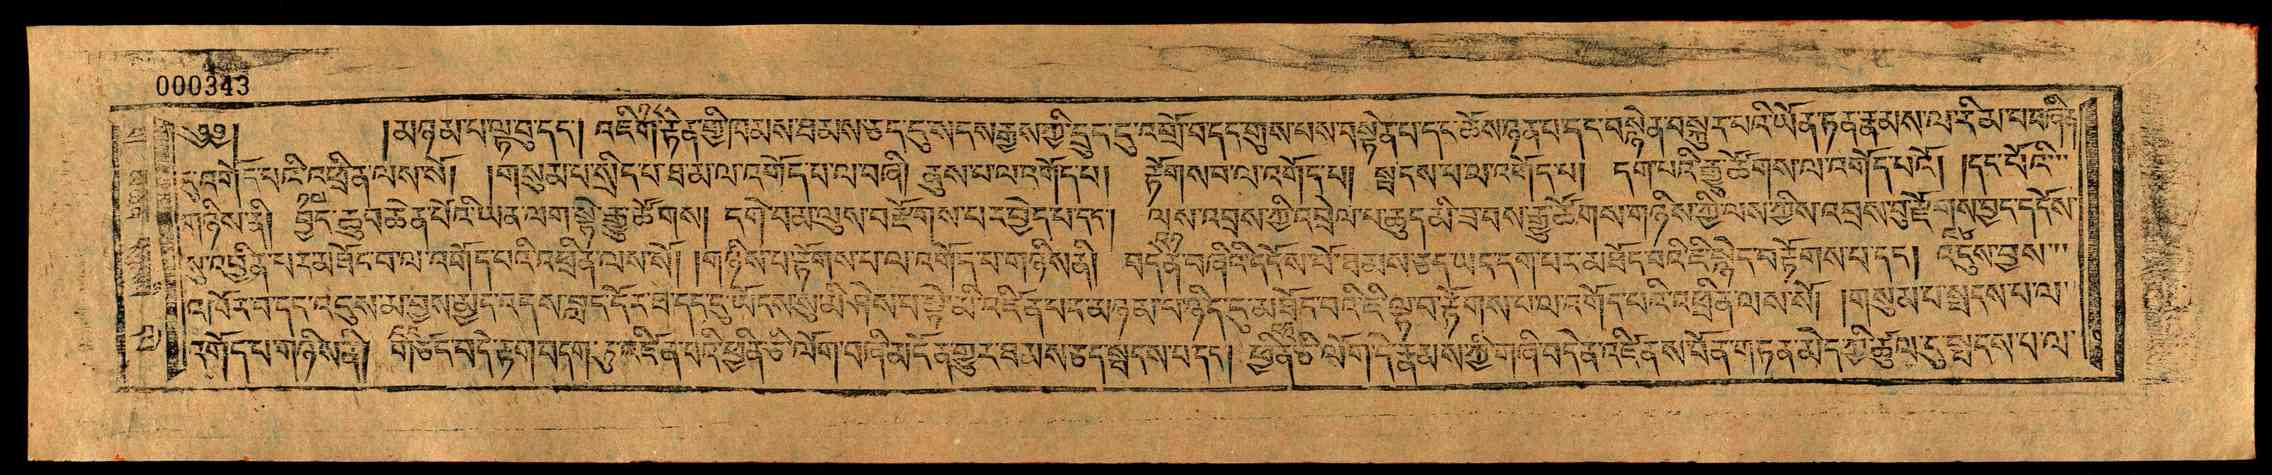༄༅། །མཉམ་པ་ལྟ་བུ་དང་། ༡༨་འཇིག་རྟེན་གྱི་ཁམས་ཐམས་ཅད་དུ་སངས་རྒྱས་ཀྱི་དྲུང་དུ་འགྲོ་བ་དང་གུས་པས་བསྟེན་པ་དང་ཆོས་ཉན་པ་དང་བསྙེན་བསྐུར་བའི་ཡོན་ཏན་རྣམས་ལ་རིམ་པ་བཞིན་
དུ་འགོད་པའི་འཕྲིན་ལས་སོ། །གསུམ་པ་སྲིད་པ་ཐ་མ་ལ་འགོད་པ་ལ་བཞི། ནུས་པ་ལ་འགོད་པ། རྟོགས་པ་ལ་འགོད་པ། སྤངས་པ་ལ་འགོད་པ། དག་པའི་རྒྱུ་ཚོགས་ལ་འགོད་པའོ། །དང་པོའི་
གཉིས་ནི། ༡༩་བྱང་ཆུབ་ཆེན་པོའི་ཡན་ལག་སྟེ་རྒྱུ་ཚོགས། དགེ་བ་མ་ལུས་པ་རྫོགས་པར་བྱེད་པ་དང་། ༢༠་ལས་འབྲས་ཀྱི་འབྲེལ་པ་ཆུད་མི་ཟ་བས་རྒྱུ་ཚོགས་གཉིས་ཀྱི་ལས་ཀྱིས་འབྲས་བུ་རྫོགས་བྱང་དངོས་
སུ་འབྱིན་པར་མཐོང་བ་ལ་འགོད་པའི་འཕྲིན་ལས་སོ། །གཉིས་པ་རྟོགས་པ་ལ་འགོད་པ་གཉིས་ནི། ༢༡་བདེན་བཞིའི་དངོས་པོ་ཐམས་ཅད་ཡང་དག་པར་མཐོང་བའི་ཇི་སྙེད་པ་རྟོགས་པ་དང་། ༢༦་འདུས་ཀྱིས་
འཁོར་བ་དང་འདུས་མ་བྱས་མྱང་འདས་བླང་དོར་ཐ་དད་དུ་ཡོངས་སུ་ནི་ཤེས་པ་སྟེ་མི་འཛིན་པར་མཉམ་པ་ཉིད་དུ་མཐོང་བའི་ཇི་ལྟ་བ་རྟོགས་པ་ལ་འགོད་པའི་འཕྲིན་ལས་སོ། །གསུམ་པ་སྤངས་པ་ལ་
འགོད་པ་གཉིས་ནི། །༢༢་གཅད་བདེ་རྟག་བདག་ཏུ་འཛིན་པའི་ཕྱིན་ཅི་ལོག་བཞི་མངོན་གྱུར་ཐམས་ཅད་སྤངས་པ་དང་། ༢༣་ཕྱིན་ཅི་ལོག་ཏེ་རྣམས་ཀྱི་གཞི་བདེན་འཛིན་ས་བོན་གཏན་མེད་ཀྱི་ཚུལ་དུ་སྤངས་པ་ལ་